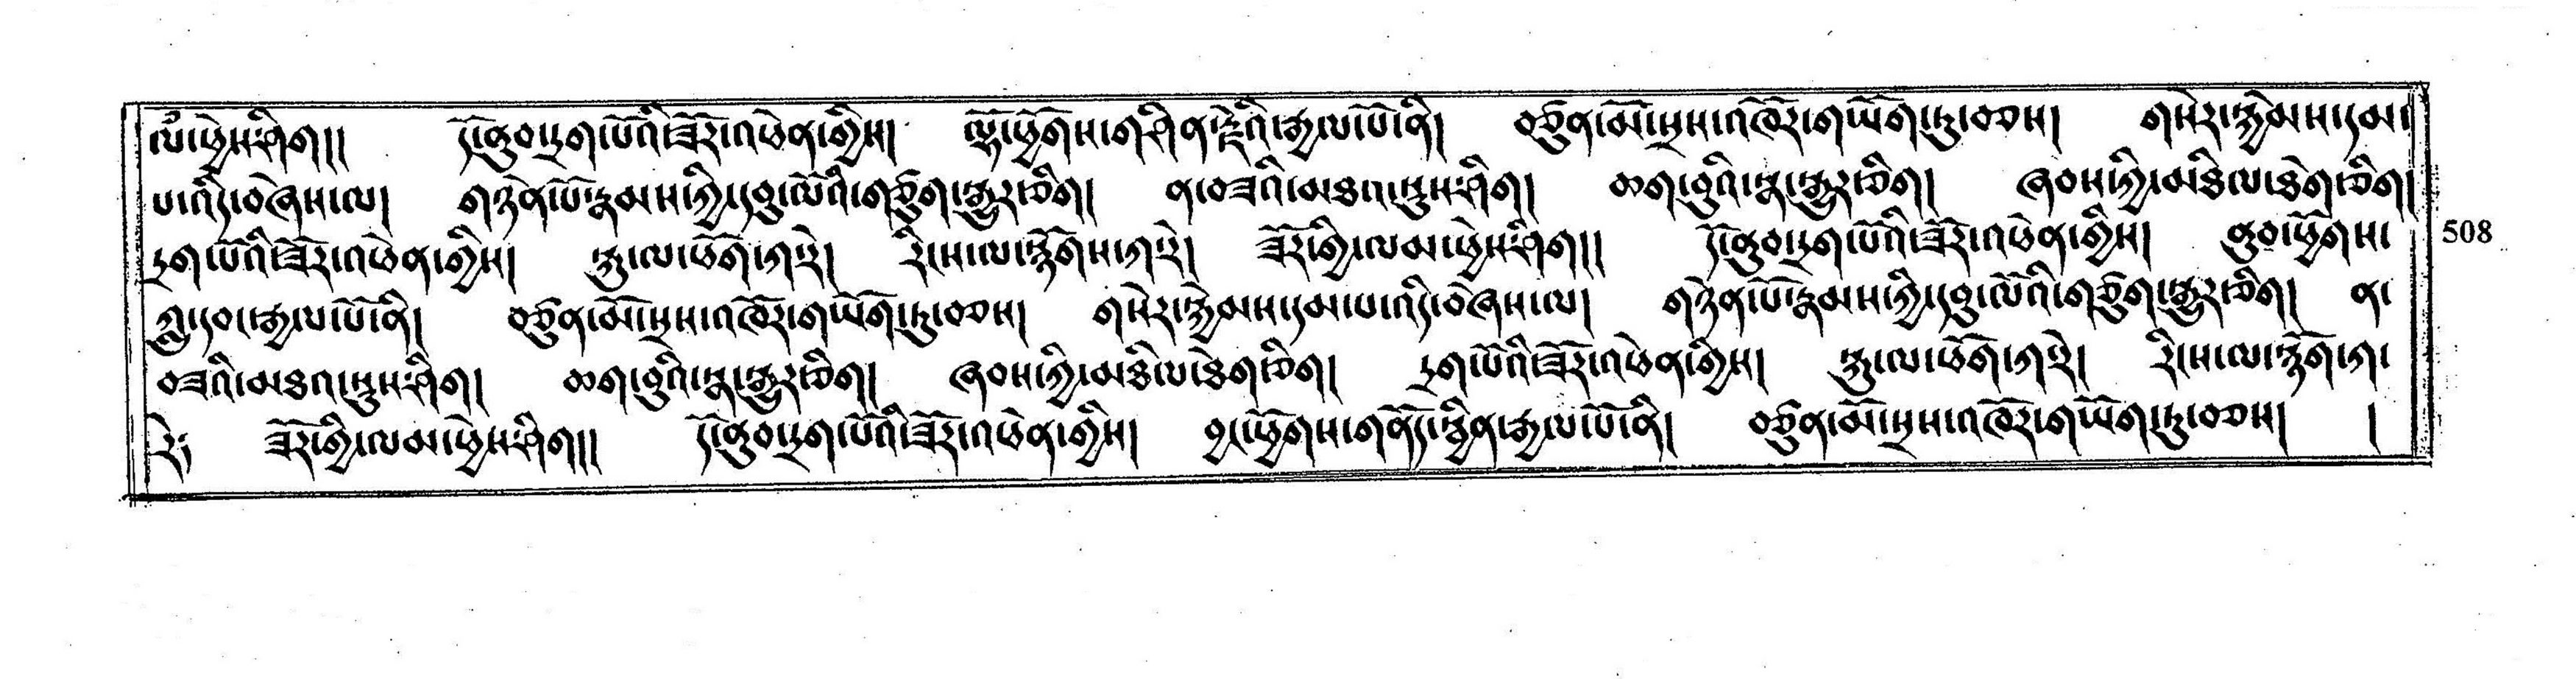ལམ་ཕྱེས་ཤིག །། དོ་ནུབ་དྲག་པོའི་ཟོར་འཕེན་གྱིས། ལྷོ་ཕྱོགས་གཤིན་རྗེའི་རྒྱལ་པོ་ནི། བཙུན་མོ་སྲས་འཁོར་གཡོག་ཏུ་བཅས། གསེར་སྐྱེམས་དམ་
པ་འདི་བཞེས་ལ། གཉེན་པོ་རྣམས་ཀྱི་དབུ་ལོའི་གཙུག་སྒྱུར་ཅིག ན་བཟའི་མཐའ་སྡུས་ཤིག ཆག་བུའི་སྣ་སྒྱུར་ཅིག ཞབས་ཀྱི་མཐིལ་ཐེག་ཅིག 
དྲག་པོའི་ཟོར་འཕེན་གྱིས། སྐུ་ལ་ཕོག་ཀ་རེ། རིངས་ལ་སྙོགས་ཀ་རེ། ཟོར་གྱི་ལམ་ཕྱེས་ཤིག །།དོ་ནུབ་དྲག་པོའི་ཟོར་འཕེན་གྱིས། ནུབ་ཕྱོགས་
ཀླུ་དབང་རྒྱལ་པོ་ནི། བཙུན་མོ་སྲས་འཁོར་གཡོག་ཏུ་བཅས། གསེར་སྐྱེམས་དམ་པ་འདི་བཞེས་ལ། གཉེན་པོ་རྣམས་ཀྱི་དབུ་ལོའི་གཙུག་སྒྱུར་ཅིག ན་
བཟའི་མཐའ་སྡུས་ཤིག ཆག་བུའི་སྣ་སྒྱུར་ཅིག ཞབས་ཀྱི་མཐིལ་ཐེག་ཅིག དྲག་པོའི་ཟོར་འཕེན་གྱིས། སྐུ་ལ་ཕོག་ཀ་རེ། རིངས་ལ་སྙོག་ཀ་
རེ། ཟོར་{523}གྱི་ལམ་ཕྱེས་ཤིག །།དོ་ནུབ་དྲག་པོའི་ཟོར་འཕེན་གྱིས། བྱང་ཕྱོགས་གནོད་སྦྱིན་རྒྱལ་པོ་ནི། བཙུན་མོ་སྲས་འཁོར་གཡོག་ཏུ་བཅས།